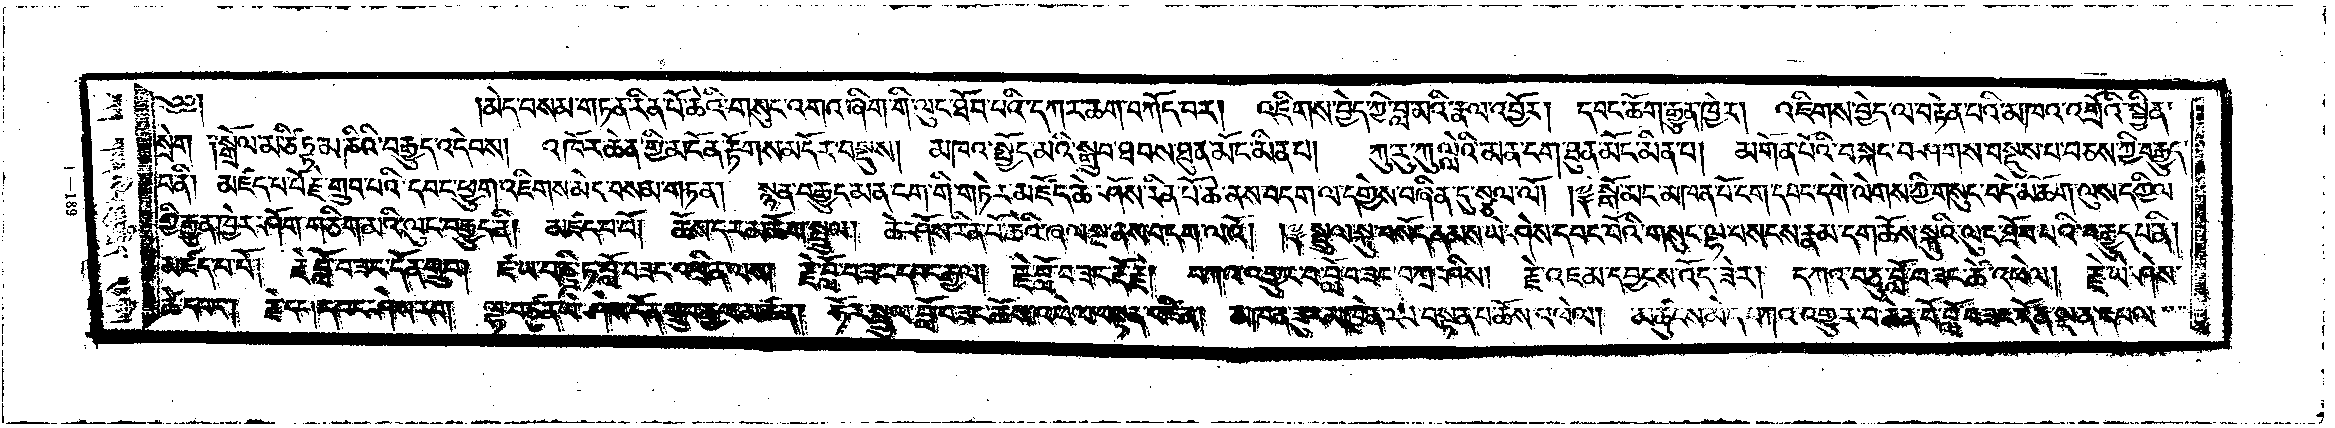༄༅། །མེད་བསམ་གཏན་རིན་པོ་ཆེའི་གསུང་འགའ་ཞིག་གི་ལུང་ཐོབ་པའི་དཀར་ཆག་བཀོད་བར། འཇིགས་བྱེད་ཀྱི་བླ་མའི་རྣལ་འབྱོར། དབང་ཆོག་རྒྱུན་ཁྱེར། འཇིགས་བྱེད་ལ་བརྟེན་པའི་མཁའ་འགྲོའི་སྦྱིན་
སྲེག ༑སྒྲོལ་མ་ཙིཏྟ་མ་ཎིའི་བརྒྱུད་འདེབས། འཁོར་ཆེན་གྱི་མངོན་རྟོགས་མདོར་བསྡུས། མཁའ་སྤྱོད་མའི་སྒྲུབ་ཐབས་ཐུན་མོང་མིན་པ། ཀུ་རུ་ཀུ་ལླེའི་མན་ངག་ཐུན་མོང་མིན་པ། མགོན་པོའི་བསྐང་བཤགས་བསྡུས་པ་བཅས་ཀྱི་བརྒྱུད་
པ་ནི། མཛད་པ་པོ་རྗེ་གྲུབ་པའི་དབང་ཕྱུག་འཇིགས་མེད་བསམ་གཏན། སྙན་བརྒྱུད་མན་ངག་གི་གཏེར་མཛོད་ཆེ་ཤོས་རིན་པོ་ཆེ་ནས་བདག་ལ་དགྱེས་བཞིན་དུ་སྩལ་ལོ། ། འ་སྒོ་མང་མཁན་པོ་ངག་དབང་དགེ་ལེགས་ཀྱི་གསུང་བདེ་མཆོག་ལུས་དཀྱིལ་
གྱི་རྒྱུན་ཁྱེར་ཤོག་གཅིག་མའི་ལུང་བརྒྱུད་ནི། མཛད་པ་པོ། ཆོས་དར་མཆོག་སྤྲུལ། ཆེ་ཤོས་རིན་པོ་ཆེའི་ཞལ་སྔ་ནས་བདག་ལའོ། ། ༈སྤྲུལ་སྐུ་བསོད་ནམས་ཡེ་ཤེས་དབང་པོའི་གསུང་ལྷ་བསངས་རྣམ་དག་ཆོས་སྐུའི་ལུང་ཐོབ་པའི་བརྒྱུད་པ་ནི།
མཛད་པ་པོ། རྗེ་བློ་བཟང་དོན་གྲུབ། ཛ་ཡ་པཎྜི་ཏ་བློ་བཟང་འཕྲིན་ལས། རྗེ་བློ་བཟང་དབང་རྒྱལ། རྗེ་བློ་བཟང་རྡོ་རྗེ། བཀའ་འགྱུར་བ་བློ་བཟང་བཀྲ་ཤིས། རྗེ་འཇམ་དབྱངས་འོད་ཟེར། དཀའ་བཅུ་བློ་བཟང་ཚེ་འཕེལ། རྗེ་ཡེ་ཤེས་
ཚེ་དབང་། རྗེ་དང་། དབང་ཤེས་རབ། ལྷ་བཙུན་ཡེ་ཤེས་དོན་གྲུབ་རྒྱལ་མཚན། ཧོར་སྤྲུལ་བློ་བཟང་ཆོས་འཕེལ་བསྟན་འཛིན། མཁན་ཟུར་མཁྱེན་རབ་བསན་པ་ཆོས་འཕེལ། མཚུངས་མེད་བཀའ་འགྱུར་བ་ཆེན་པོ་བློ་བཟང་དོན་ལྡན་དཔལ་